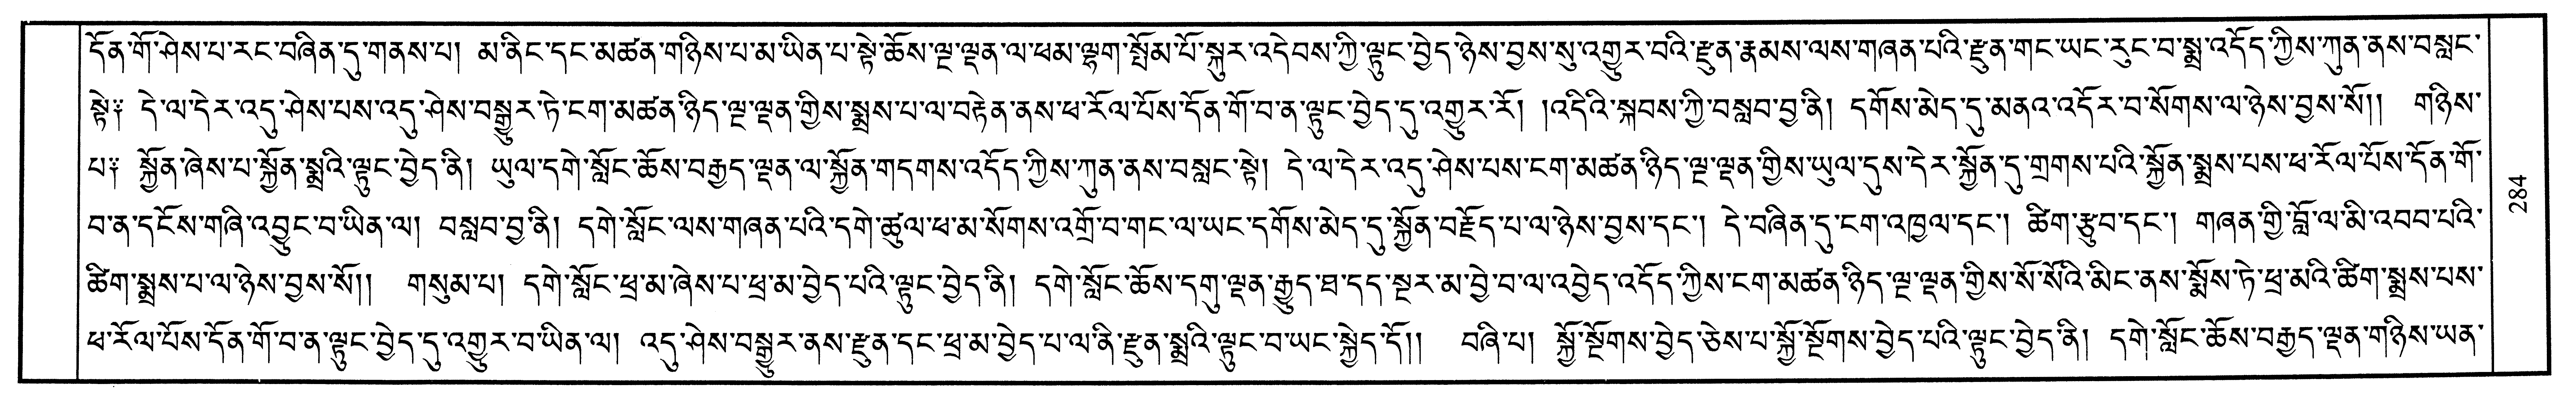དོན་གོ་ཤེས་པ་རང་བཞིན་དུ་གནས་པ། མ་ནིང་དང་མཚན་གཉིས་པ་མ་ཡིན་པ་སྟེ་ཆོས་ལྔ་ལྡན་ལ་ཕམ་ལྷག་སྤོམ་པོ་སྐུར་འདེབས་ཀྱི་ལྟུང་བྱེད་ཉེས་བྱས་སུ་འགྱུར་བའི་རྫུན་རྣམས་ལས་གཞན་པའི་རྫུན་གང་ཡང་རུང་བ་སྨྲ་འདོད་ཀྱིས་ཀུན་ནས་བསླང་
སྟེ། དེ་ལ་དེར་འདུ་ཤེས་པས་འདུ་ཤེས་བསྒྱུར་ཏེ་ངག་མཚན་ཉིད་ལྔ་ལྡན་གྱིས་སྨྲས་པ་ལ་བརྟེན་ནས་ཕ་རོལ་པོས་དོན་གོ་བ་ན་ལྟུང་བྱེད་དུ་འགྱུར་རོ། །འདིའི་སྐབས་ཀྱི་བསླབ་བྱ་ནི། དགོས་མེད་དུ་མནའ་འདོར་བ་སོགས་ལ་ཉེས་བྱས་སོ།། གཉིས་
པ། སྐྱོན་ཞེས་པ་སྐྱོན་སྨྲའི་ལྟུང་བྱེད་ནི། ཡུལ་དགེ་སློང་ཆོས་བརྒྱད་ལྡན་ལ་སྐྱོན་གདགས་འདོད་ཀྱིས་ཀུན་ནས་བསླང་སྟེ། དེ་ལ་དེར་འདུ་ཤེས་པས་ངག་མཚན་ཉིད་ལྔ་ལྡན་གྱི་ཡུལ་དེས་དེར་སྐྱོན་དུ་གྲགས་པའི་སྐྱོན་སྨྲས་པས་ཕ་རོལ་པོས་དོན་གོ་
བ་ན་དངོས་གཞི་འབྱུང་བ་ཡིན་ལ། བསླབ་བྱ་ནི། དགེ་སློང་ལས་གཞན་པའི་དགེ་ཚུལ་ཕ་མ་སོགས་འགྲོ་བ་གང་ལ་ཡང་དགོས་མེད་དུ་སྐྱོན་བརྗོད་པ་ལ་ཉེས་བྱས་པ་དང་། དེ་བཞིན་དུ་ངག་འཁྱལ་དང་། ཚིག་རྩུབ་དང་། གཞན་གྱི་བློ་ལ་མི་འབབ་པའི་
ཚིག་སྨྲས་པ་ལ་ཉེས་བྱས་སོ།། གསུམ་པ། དགེ་སློང་ཕྲ་མ་ཞེས་པ་ཕྲ་མ་བྱེད་པའི་ལྟུང་བྱེད་ནི། དགེ་སློང་ཆོས་དགུ་ལྡན་རྒྱུད་ཐ་དད་སྔར་མ་བྱེ་བ་ལ་འབྱེད་འདོད་ཀྱིས་ངག་མཚན་ཉིད་ལྔ་ལྡན་གྱིས་སོ་སོའི་མིང་ནས་སྨོས་ཏེ་ཕྲ་མའི་ཚིག་སྨྲས་པས་
ཕ་རོལ་པོས་དོན་གོ་བ་ན་ལྟུང་བྱེད་དུ་འགྱུར་བ་ཡིན་ལ། འདུ་ཤེས་བསྒྱུར་ནས་རྫུན་དང་ཕྲ་མ་བྱེད་པ་ལ་ནི་རྫུན་སྨྲའི་ལྟུང་བ་ཡང་སྐྱེད་དོ།། བཞི་པ། སྐྱོ་སྔོགས་བྱེད་ཅེས་པ་སྐྱོ་སྔོགས་བྱེད་པའི་ལྟུང་བྱེད་ནི། དགེ་སློང་ཆོས་བརྒྱད་ལྡན་གཉིས་ཡན་